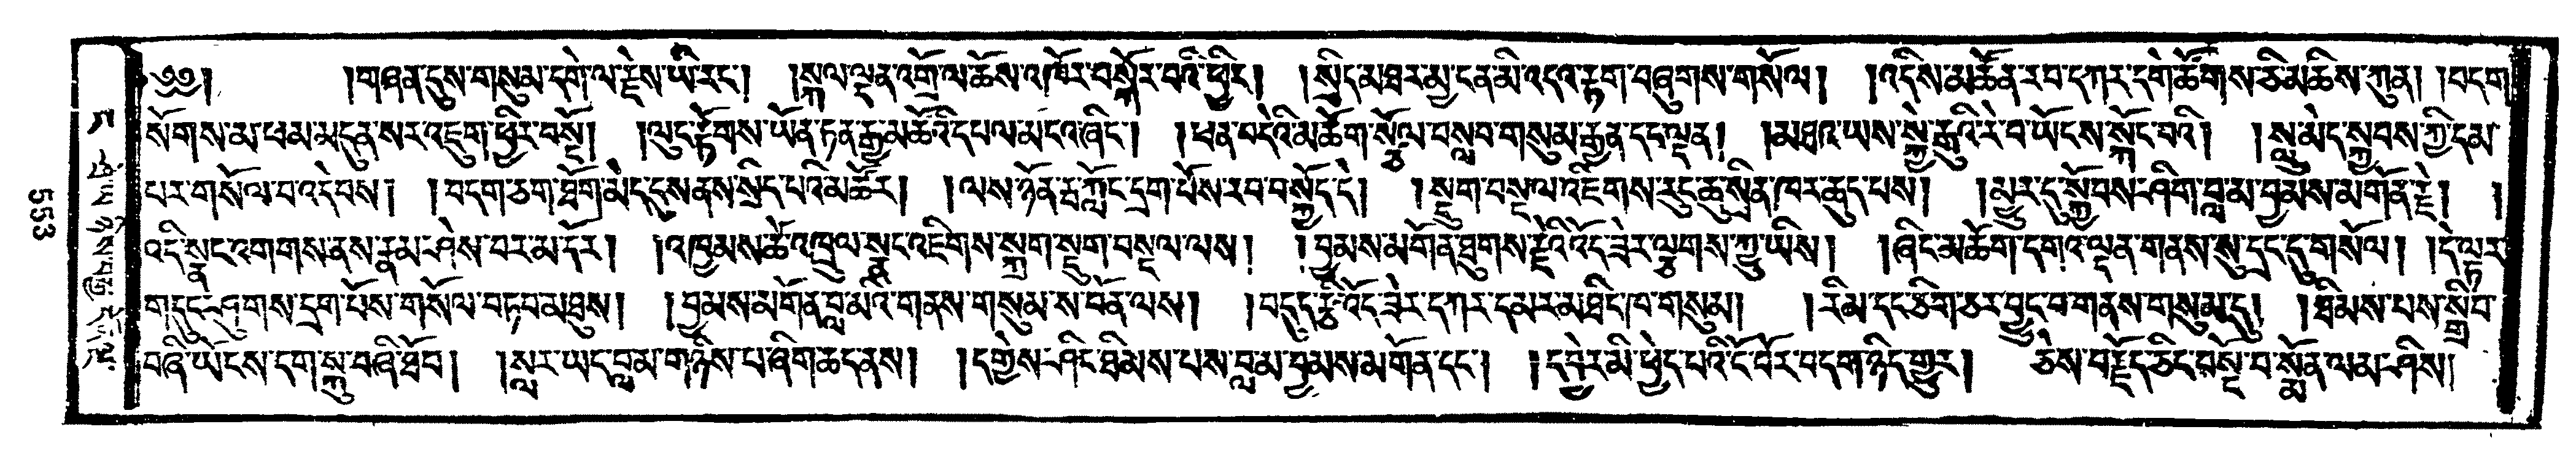༄༅། །གཞན་དུས་གསུམ་དགེ་ལ་རྗེས་ཡི་རང་། །སྐལ་ལྡན་འགྲོ་ལ་ཆོས་འཁོར་བསྐོར་བའི་ཕྱིར། །སྲིད་མཐར་མྱ་ངན་མི་འདའ་རྟག་བཞུགས་གསོལ། །འདིས་མཚོན་རབ་དཀར་དགེ་ཚོགས་ཅི་མཆིས་ཀུན། །བདག་
སོགས་མ་ཕམ་མདུན་སར་འཇུག་ཕྱིར་བསྔོ། །ལུང་རྟོགས་ཡོན་ཏན་རྒྱ་མཚོའི་དཔལ་མངའ་ཞིང་། །ཕན་བདེའི་མཆོག་སྩོལ་བསླབ་གསུམ་རྒྱན་དང་ལྡན། །མཐའ་ཡས་སྐྱེ་རྒུའི་རེ་བ་ཡོངས་སྐོང་བའི། །སླུ་མེད་སྐྱབས་ཀྱི་དམ་
པར་གསོལ་བ་འདེབས། །བདག་ཅག་ཐོག་མེད་དུས་ནས་སྲིད་པའི་མཚོར། །ལས་ཉོན་རྦ་ཀློང་དྲག་པོས་རབ་བསྐྱོད་དེ། །སྡུག་བསྔལ་འཇིགས་རུང་ཆུ་སྲིན་ཁར་ཆུད་པས། །མྱུར་དུ་སྐྱོབས་ཤིག་བླ་མ་བྱམས་མགོན་རྗེ། །
འདི་སྣང་འགགས་ནས་རྣམ་ཤེས་བར་མ་དོར། །འཁྱམས་ཚེ་འཁྲུལ་སྣང་འཇིགས་སྐྲག་སྡུག་བསྔལ་ལས། །བྱམས་མགོན་ཐུགས་རྗེའི་འོད་ཟེར་ལྕགས་ཀྱུ་ཡིས། །ཞིང་མཆོག་དགའ་ལྡན་གནས་སུ་དྲང་དུ་གསོལ། །དེ་ལྟར་
གདུང་ཤུགས་དྲག་པོས་གསོལ་བཏབ་མཐུས། །བྱམས་མགོན་བླ་མའི་གནས་གསུམ་ས་བོན་ལས། །བདུད་རྩི་འོད་ཟེར་དཀར་དམར་མཐིང་ཁ་གསུམ། །རིམ་དང་ཅིག་ཅར་བྱུང་བ་གནས་གསུམ་དུ། །ཐིམས་པས་སྒྲིབ་
བཞི་ཡོངས་དག་སྐུ་བཞི་ཐོབ། །སླར་ཡང་བླ་མ་གཉིས་པ་ཞིག་ཆད་ནས། །དགྱེས་ཤིང་ཐིམས་པས་བླ་མ་བྱམས་མགོན་དང་། །དབྱེར་མི་ཕྱེད་པའི་ངོ་བོར་བདག་ཉིད་གྱུར། ཅེས་བརྗོད་ཅིང་བསྔོ་བ་སྨོན་ལམ་ཤིས།